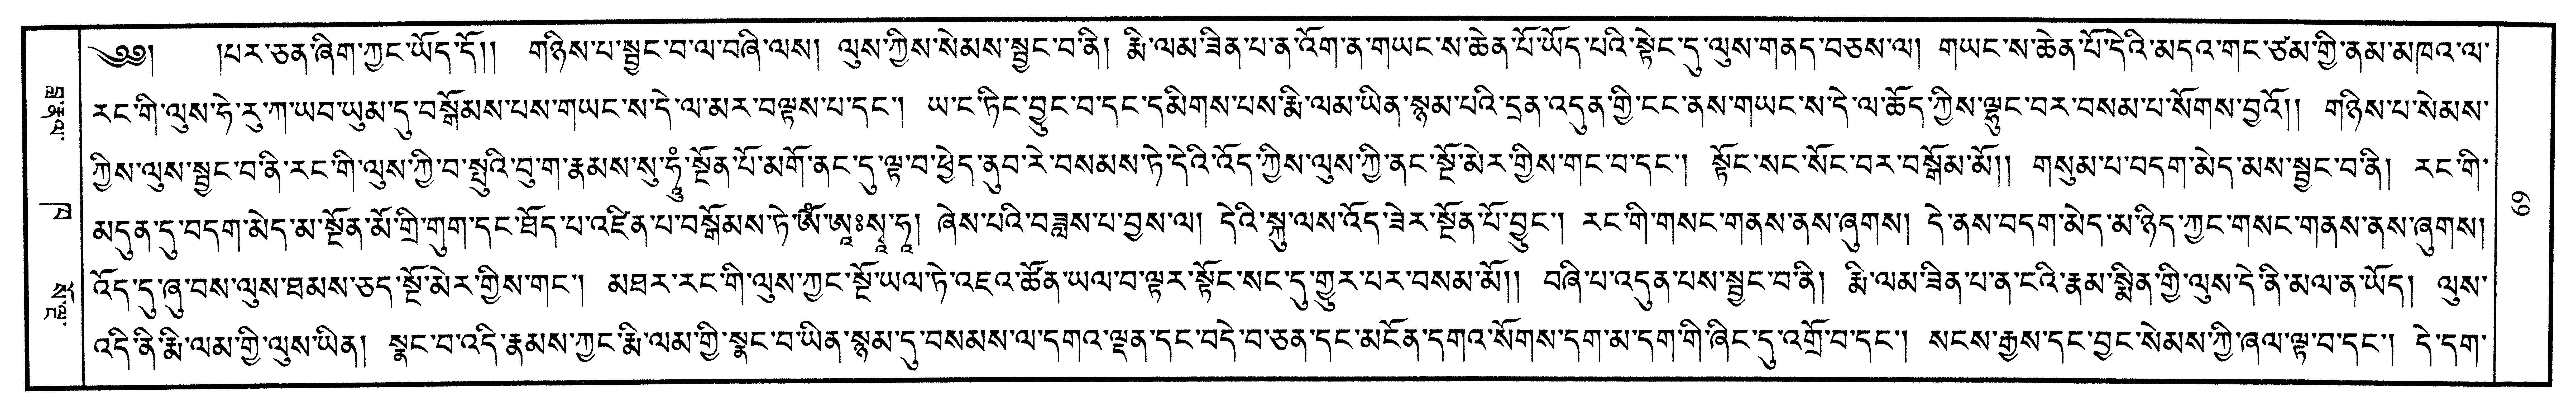༄༅། །པར་ཅན་ཞིག་ཀྱང་ཡོད་དོ།། གཉིས་པ་སྦྱང་བ་ལ་བཞི་ལས། ལུས་ཀྱིས་སེམས་སྦྱང་བ་ནི། རྨི་ལམ་ཟིན་པ་ན་འོག་ན་གཡང་ས་ཆེན་པོ་ཡོད་པའི་སྟེང་དུ་ལུས་གནད་བཅས་ལ། གཡང་ས་ཆེན་པོ་དེའི་མདའ་གང་ཙམ་གྱི་ནམ་མཁའ་ལ་
རང་གི་ལུས་ཧེ་རུ་ཀ་ཡབ་ཡུམ་དུ་བསྒོམས་པས་གཡང་ས་དེ་ལ་མར་བལྟས་པ་དང་། ཡ་ང་ཏིང་བྱུང་བ་དང་དམིགས་པས་རྨི་ལམ་ཡིན་སྙམ་པའི་དྲན་འདུན་གྱི་ངང་ནས་གཡང་ས་དེ་ལ་ཆོད་ཀྱིས་ལྷུང་བར་བསམ་པ་སོགས་བྱའོ།། གཉིས་པ་སེམས་
ཀྱིས་ལུས་སྦྱང་བ་ནི་རང་གི་ལུས་ཀྱི་བ་སྤུའི་བུ་ག་རྣམས་སུ་ཧཱུཾ་སྔོན་པོ་མགོ་ནང་དུ་ལྟ་བ་ཕྱེད་ནུབ་རེ་བསམས་ཏེ་དེའི་འོད་ཀྱིས་ལུས་ཀྱི་ནང་ངོ་མེར་གྱིས་གང་བ་དང་། སྟོང་སང་སོང་བར་བསྒོམ་མོ།། གསུམ་པ་བདག་མེད་མས་སྦྱང་བ་ནི། རང་གི་
མདུན་དུ་བདག་མེད་མ་སྔོན་མོ་གྲི་གུག་དང་ཐོད་པ་འཛིན་པ་བསྒོམས་ཏེ་ཨོཾ་ཨཱཿ སྭཱ་ཧཱ། ཞེས་པའི་བཟླས་པ་བྱས་ལ། དེའི་སྐུ་ལས་འོད་ཟེར་སྔོན་པོ་བྱུང་། རང་གི་གསང་གནས་ནས་ཞུགས། དེ་ནས་བདག་མེད་མ་ཉིད་ཀྱང་གསང་གནས་ནས་ཞུགས།
འོད་དུ་ཞུ་བས་ལུས་ཐམས་ཅད་སྔོ་མེར་གྱིས་གང་། མཐར་རང་གི་ལུས་ཀྱང་སྔོ་ཡལ་ཏེ་འཇའ་ཚོན་ཡལ་བ་ལྟར་སྟོང་སང་དུ་གྱུར་པར་བསམ་མོ།། བཞི་པ་འདུན་པས་སྦྱང་བ་ནི། རྨི་ལམ་ཟིན་པ་ན་ངའི་རྣམ་སྨིན་གྱི་ལུས་དེ་ནི་མལ་ན་ཡོད། ལུས་
འདི་ནི་རྨི་ལམ་གྱི་ལུས་ཡིན། སྣང་བ་འདི་རྣམས་ཀྱང་རྨི་ལམ་གྱི་སྣང་བ་ཡིན་སྙམ་དུ་བསམས་ལ་དགའ་ལྡན་དང་བདེ་བ་ཅན་དང་མངོན་དགའ་སོགས་དག་མ་དག་གི་ཞིང་དུ་འགྲོ་བ་དང་། སངས་རྒྱས་དང་བྱང་སེམས་ཀྱི་ཞལ་ལྟ་བ་དང་། དེ་དག་